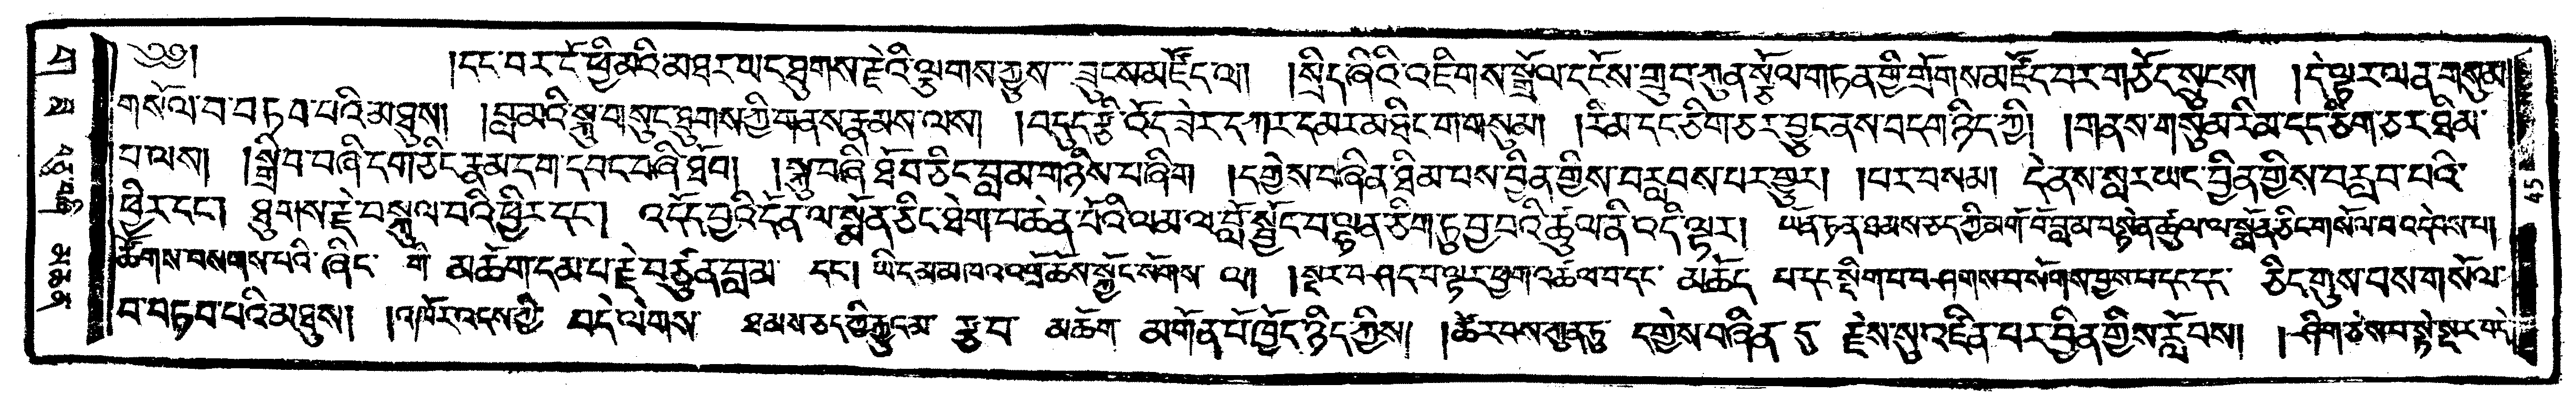༄༅། །དང་བར་དོ་ཕྱི་མའི་མཐར་ཡང་ཐུགས་རྗེའི་ལྕགས་ཀྱུས་ཟུངས་མཛོད་ལ། །སྲིད་ཞིའི་འཇིགས་སྒྲོལ་དངོས་གྲུབ་ཀུན་སྩོལ་གཏན་གྱི་གྲོགས་མཛོད་པར་གཅོད་སྲུངས། །དེ་ལྟར་ལན་གསུམ་
གསོལ་བ་བཏབ་པའི་མཐུས། བླ་མའི་སྐུ་གསུང་ཐུགས་ཀྱི་གནས་རྣམས་ལས། །བདུད་རྩི་འོད་ཟེར་དཀར་དམར་མཐིང་ག་གསུམ། །རིམ་དང་ཅིག་ཅར་བྱུང་ནས་བདག་ཉིད་ཀྱི། །གནས་གསུམ་རིམ་དང་ཅིག་ཅར་ཐིམ་
པ་ལས། །སྒྲིབ་བཞི་དག་ཅིང་རྣམ་དག་དབང་བཞི་ཐོབ། །སྐུ་བཞི་ཐོབ་ཅིང་བླ་མ་གཉིས་པ་ཞིག །དགྱེས་བཞིན་ཐིམ་པས་བྱིན་གྱིས་བརླབས་པར་གྱུར། །པར་བསམ། དེ་ནས་སླར་ཡང་བྱིན་གྱིས་བརླབ་པའི་
ཕྱིར་དང་། ཐུགས་རྗེ་བསྐུལ་བའི་ཕྱིར་དང་། འདོད་བྱའི་དོན་ལ་སྨོན་ཅིང་ཐེག་པ་ཆེན་པོའི་ལམ་ལ་བློ་སྦྱོང་བ་ལྷན་ཅིག་ཏུ་བྱ་བའི་ཚུལ་ནི་འདི་ལྟར། ཡོན་ཏན་ཐམས་ཅད་ཀྱི་མགོ་བོ་བླ་མ་བསྟེན་ཚུལ་ལ་སྨོན་ཅིང་གསོལ་བ་འདེབས་པ།
ཚོགས་བསགས་པའི་ཞིང་གི་མཆོག་དམ་པ་རྗེ་བཙུན་བླ་མ་དང་། ཡི་དམ་མཁའ་འགྲོ་ཆོས་སྐྱོང་སོགས་ལ། །སྔར་བཤད་པ་ལྟར་ཕྱག་འཚལ་པ་དང་། མཆོད་པ་དང་སྡིག་པ་བཤགས་པ་སོགས་བྱས་པ་དང་དད་ཅིང་གུས་པས་གསོལ་
བ་བཏབ་པའི་མཐུས། །འཁོར་འདས་ཀྱི་བདེ་ལེགས་ཐམས་ཅད་ཀྱི་རྒྱུའམ་རྩ་བ་མཆོག་མགོན་པོ་ཁྱོད་ཉིད་ཀྱིས། ཚེ་རབས་ཀུན་ཏུ་དགྱེས་བཞིན་དུ་རྗེས་སུ་འཛིན་པར་བྱིན་གྱིས་རློབས། །ཤིག་ཅེས་པ་སྟེ་སྔར་བདེ་